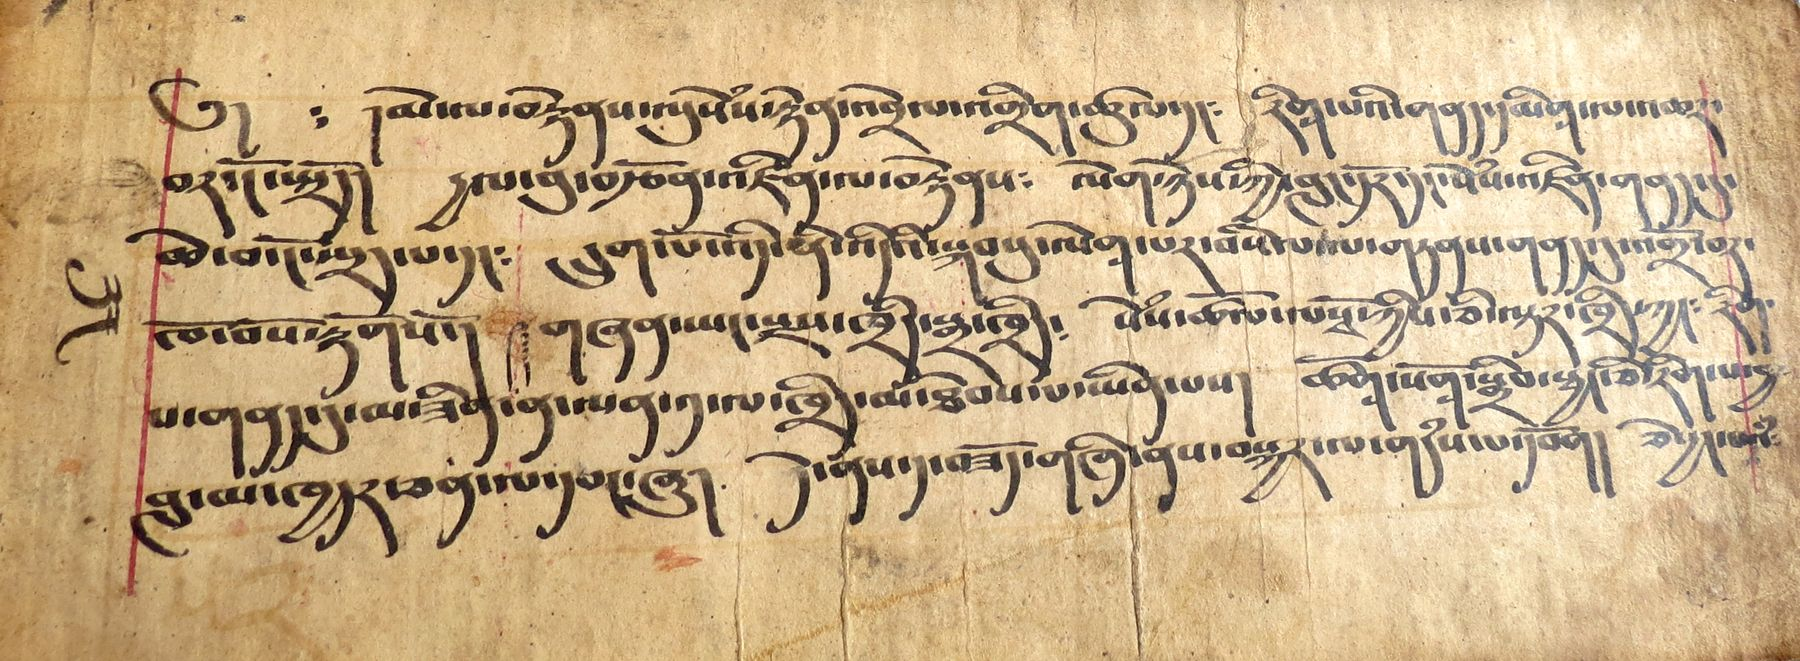མེ་ལ་བརྟེན་ནས་ལུས་སེམས་རྟེན་འབྲེལ་བསྒྲིག་ཚུལ་དང་རིག་པའི་གནད་མིག་ལ་འཆར་
བར་ངོ་སྤྲད། རྒྱལ་པོ་བཙོན་འཛིན་ལ་བརྟེན་ནས་ལེགས་ཉེས་ཀྱི་བླང་དོར་དང་སེམས་འཛིན་གནད་དུ་
ཆེ་བར་ངོ་སྤྲད་པ་དང་། དྲུག་པོ་འདི་ནི་འདིའི་སྐབས་སུ་ལེགས་པར་གསིལ་ལ་བསྟན་ན་གནད་དུ་འགྲོ་བར་
ཁོ་བོས་རྟོགས་སོ། ། གཞན་ཡང་རྫས་ཁྲིད་སྒྲ་ཁྲིད་སེམས་འཚོལ་ལ་སོགས་ཀྱིས་ཇི་ལྟར་ཁྲིད་ཀྱང་། རིག་
པ་གནད་དུ་མ་ཟིན་ན་ལན་གཅིག་ཁྲིད་མ་ཐེབས་པ་ཡིན་པས་ཚོགས་གསོག་སྒྲིབ་སྦྱོང་ཅི་རིགས་པར་བྱ། 
བླ་མ་ཁྱད་པར་ཅན་ལ་དབང་ཞུ། དེ་ནས་གཟོད་གཞི་ནས་སྦྱར་ལ་གདམས་པ་འབོག་ཅེས་གསུངས་པའམ།